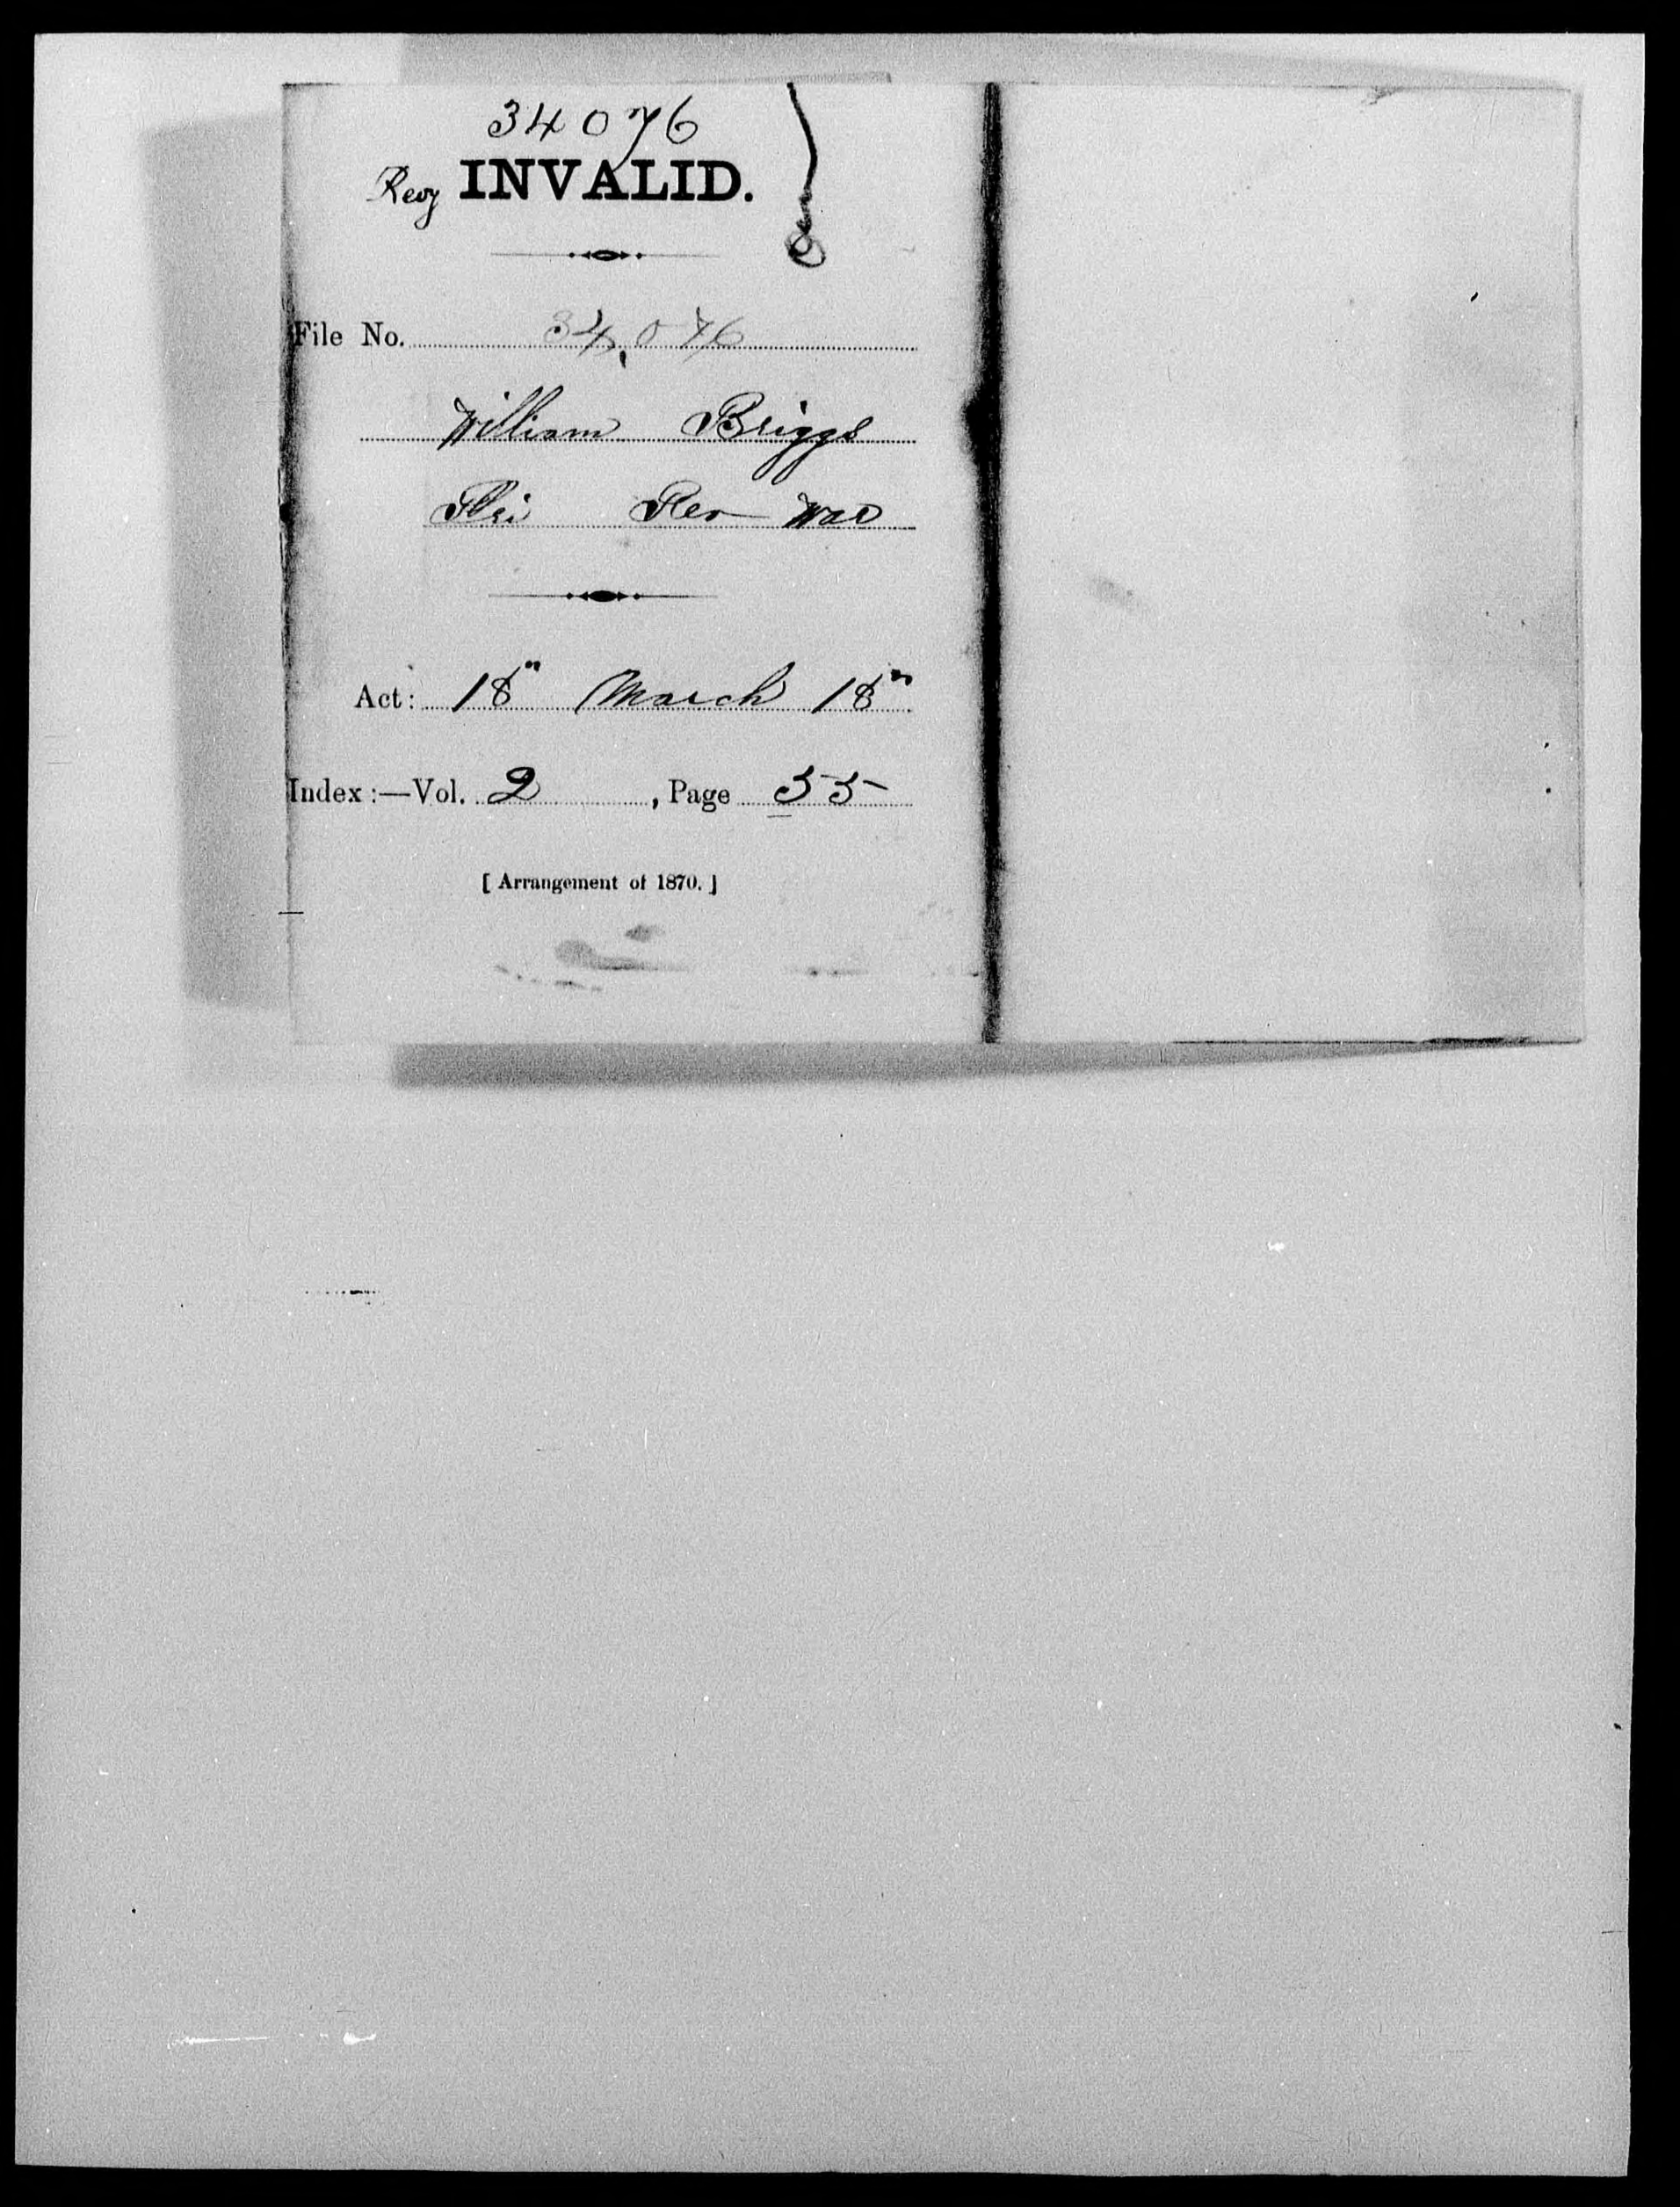34 076

Revy INVALID
File No. 34 076
William Briggs
Priv Rev War

Act: 18 March 1800
Index:-Vol. 2, Page 55.

{Arrangement of 1870}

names: William Briggs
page: 9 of 9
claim: survivor's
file: S. 34,076, William Briggs, Penn.